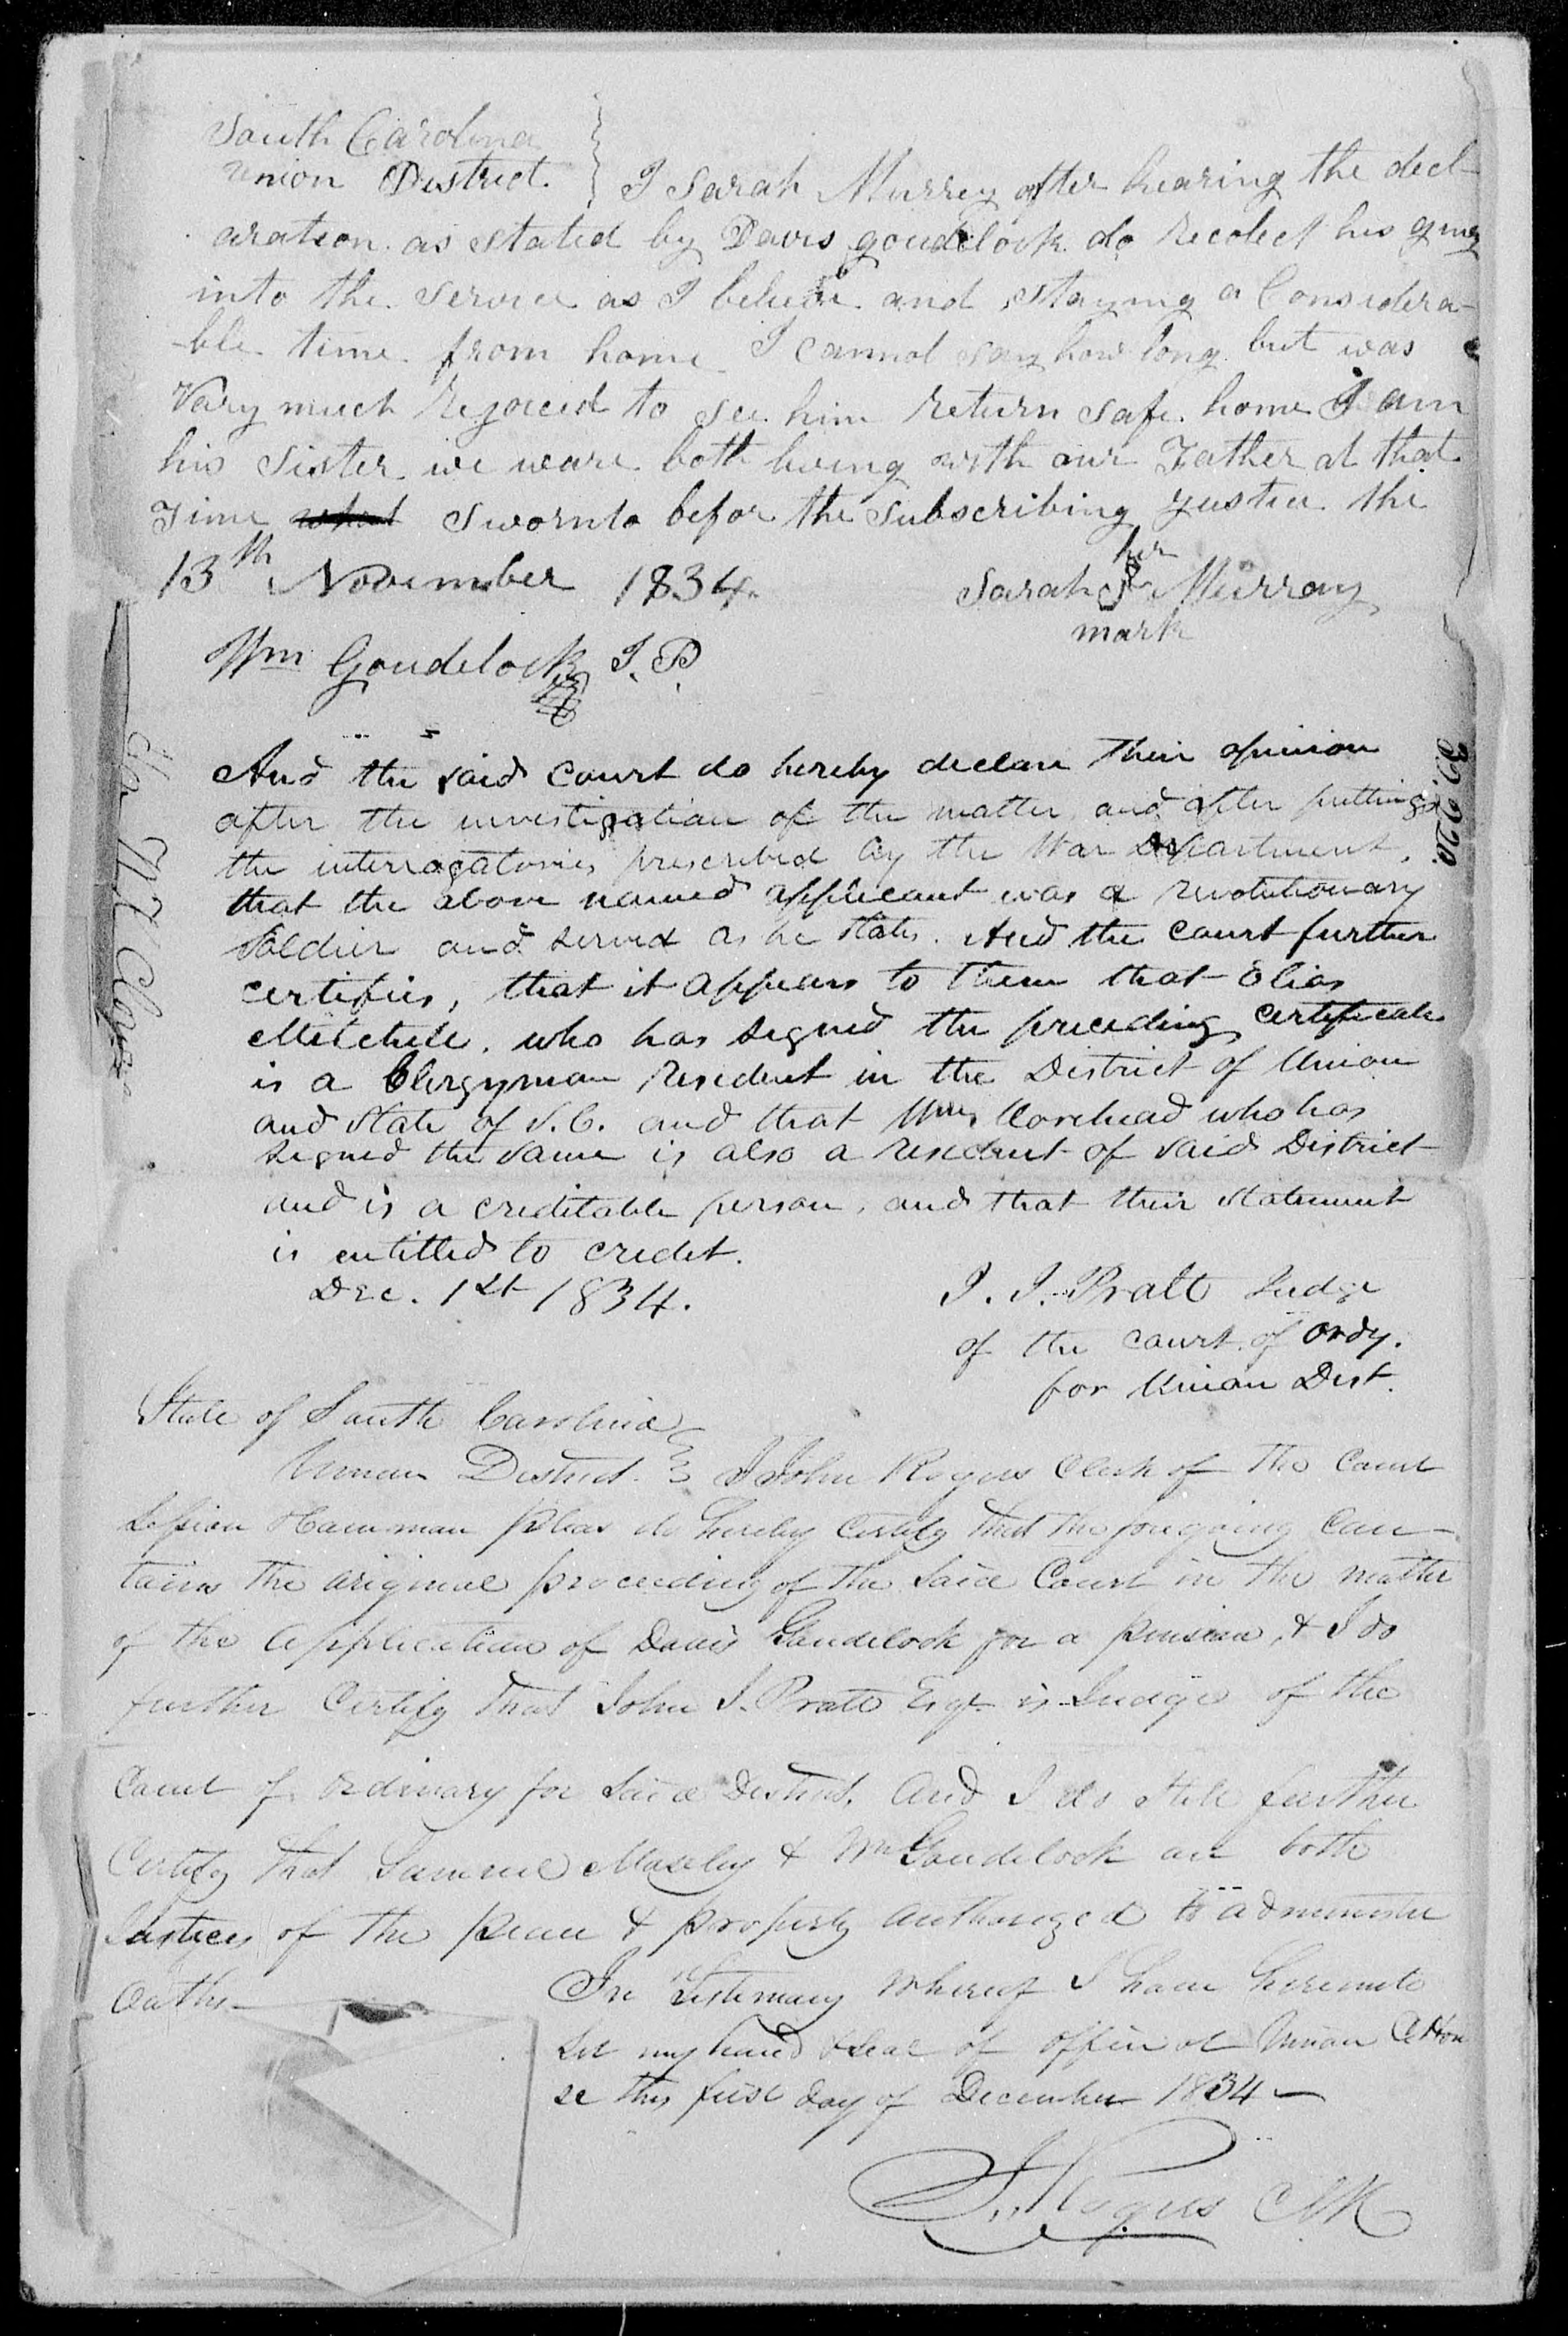South Carolina }
Union District. }  I Sarah Murrey after hearing the declaration as stated by Davis Goudelock do recolect his going into the service as I believe, and staying a Considerable time from home, I cannot say how long but was very much rejoiced to see him return safe home I am his Sister, we weare both living with our Father at that time  Sworn to before the Subscribing Justice the 13th November 1834
her
Sarah   Murray
mark
Wm Goudelock J. P.

And the said Court do hereby declare their opinion after the investigation of the matter, and after putting the interrogatories prescribed by the War Department, that the above named applicant was a revolutionary
Soldier and served as he states. And the Court further certifies, that it appears to them that Elias Mitchell, who has signed the preceding certificate is a Clergyman resident in the District of Union and State of S.C. and that Mrs Morehead who has Signed the same is also a resident of said District and is a creditable person, and that their statement is entitled to credit.
Dec. 1st 1834.
J. J. Pratt Judge of the Court of Ordy. for Union Dist
State of South Carolina }
Union District }   I John Rogers Clerk of the Court Sessions & Common Pleas do hereby certify that the foregoing contain the original proceeding of the said Court in the matter of the Application of Davis Goudelock for a pension, & I do further certify that John S. Pratt Esqr is Judge of the of Ordinary for said District. And I do State further that Samuel Masley & Wm Goudelock are both Justices of the peace & properly authorized to administer oaths.  
In Testimony whereof I have hereunto
set my hand & seal of office at Union C. House this first day of December 1834-
J. Rogers Clk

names: Wm Goudelock, Davis Goudelock, J Rogers, Sarah Murray, Wm Goudelock, Wm Morehead, John Rogers, Davis Goudelock, John J Pratt, Sarah Murrey, Samuel Maseley, J J Pratt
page: 6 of 18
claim: survivor's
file: S. 21,236, Davis Goudelock, S.C.